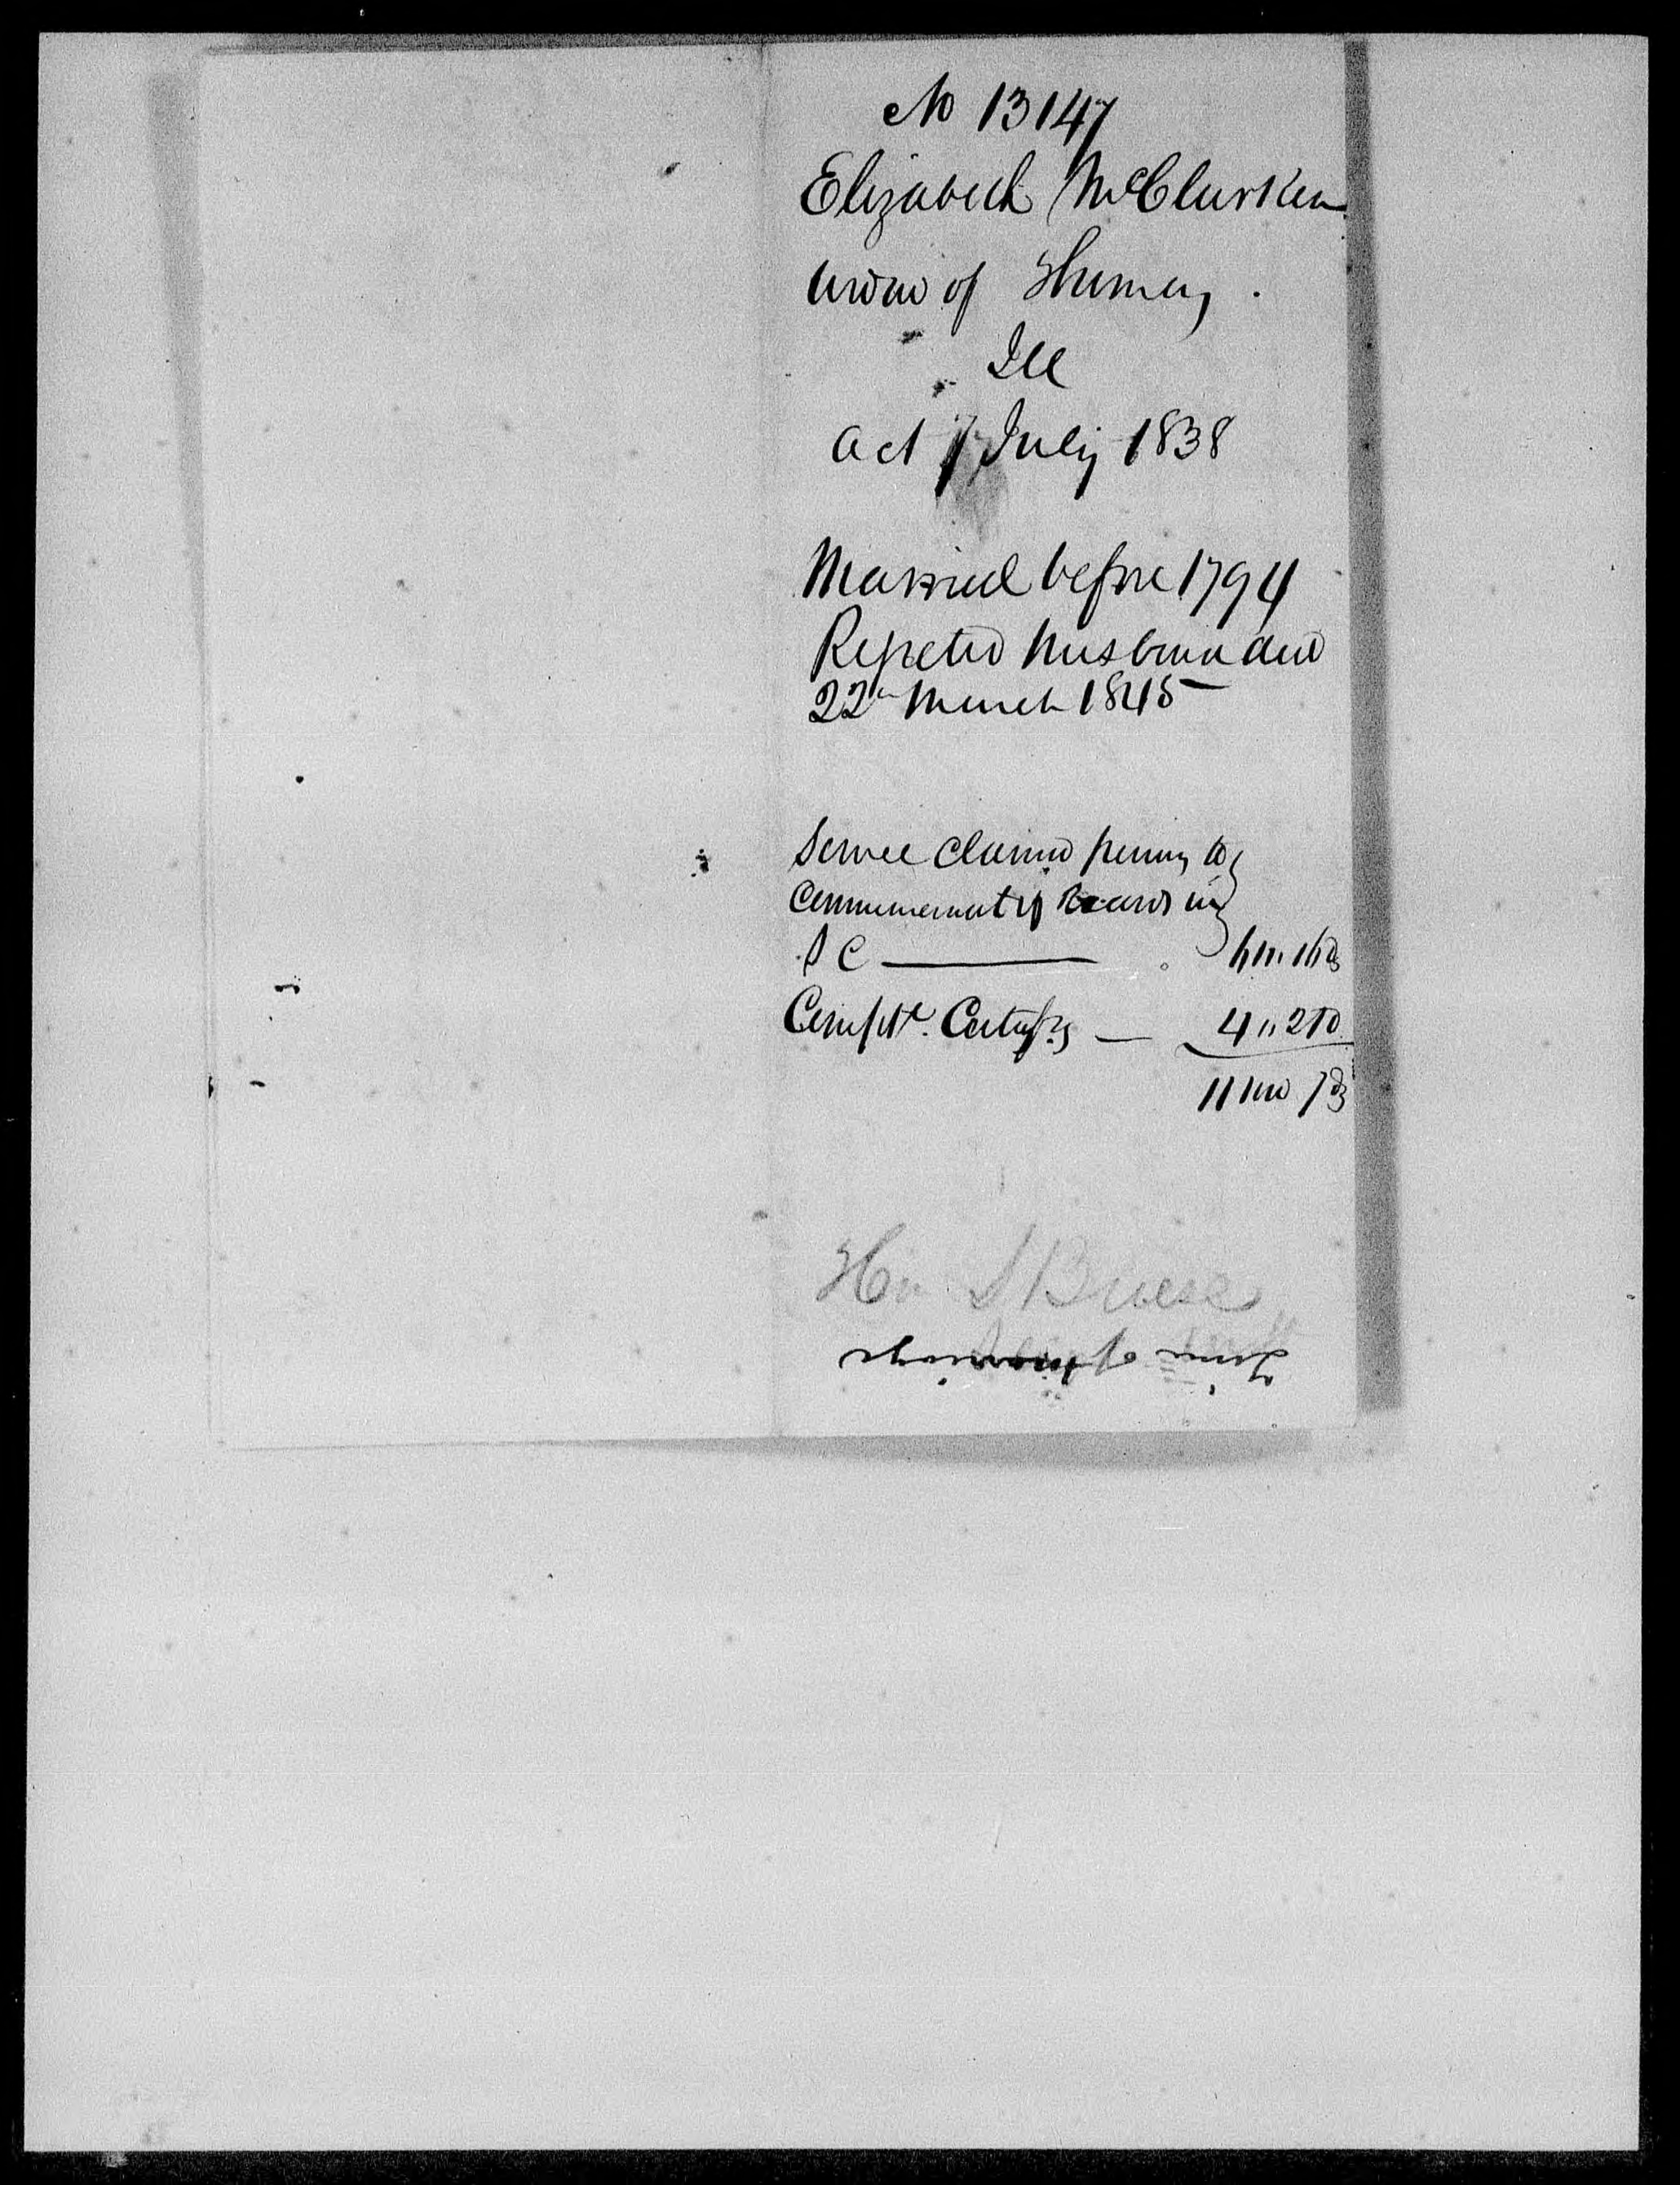No 13147 
Elizabeth McClurken 
widow of Thomas 
Ill 
Act of July 1838 
married before 1794 
Reputed husband died
22 March 1845 

Service claimed pensions to
[unintelligible] of Records}
SC [unintelligible numbers]
Compt Certify- 4, 210
11 mo [unintelligible]

HonJBreese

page: 45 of 93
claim: widow's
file: W. 21792, for Thomas Mc Clurken, South Carolina